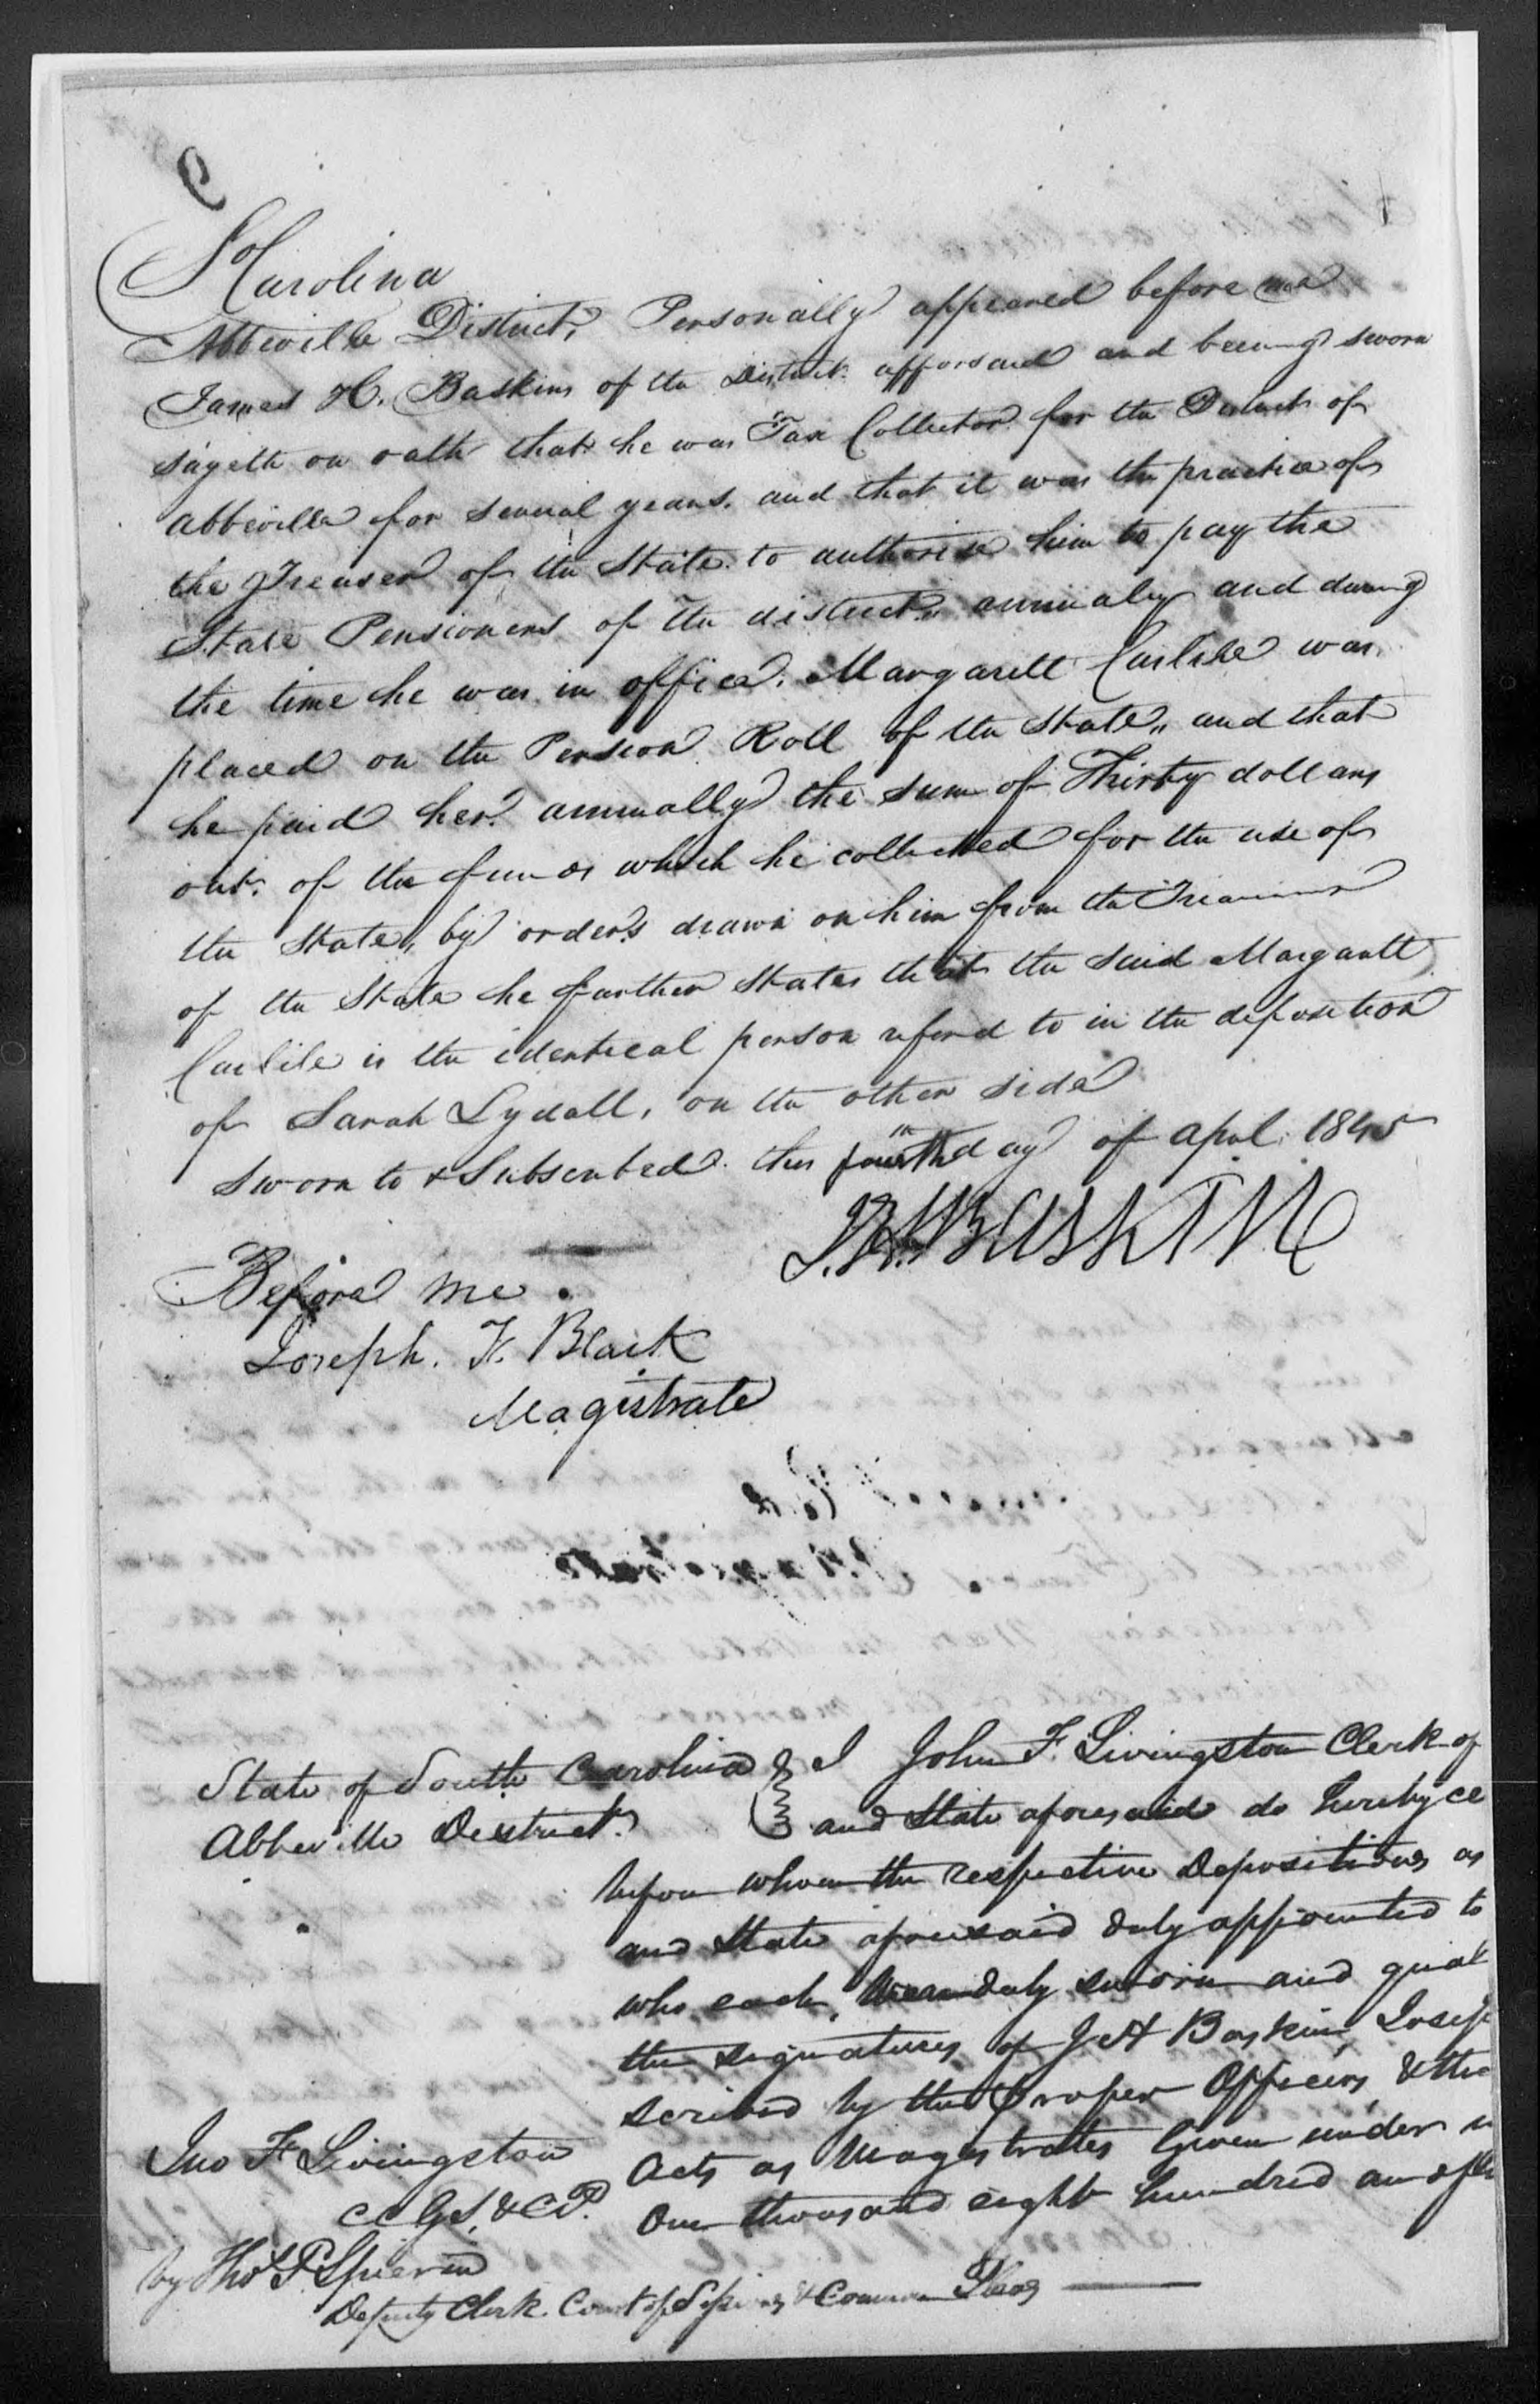So Carolina Abbeville District, Personally appeared before me
James H. Baskins of the District aforesaid and being sworn sayeth on oath that he was Tax Collector for the District of Abbeville for several years, and that it was the practice of
the Treasurer of the State to authorise him to pay the State Pensioners of the district annually and during the time he was in office, Margarett Carlile was placed on the Pension Roll of the State, and that
he paid her annually the sum of Thirty dollars out of the funds which he collected for the use of the State, by orders drawn on him from the Treasurer of the State the further states that the said Margaret
Carlile is the identical person refered to in the deposition of Sarah Lydall, on the other side. s/ JH Baskin
Sworn to & subscribed this fourth day of Aprl 1845 Before me
Joseph F. Black
Magistrate

State of South Carolina Abbeville District⎬ I John F. Livingston Clerk of _
and State aforesaid do hereby certify
before whom the respective depositions as _ and State aforesaid duly appointed to _ who each duly sworn and qualified the signatures of JH Baskin, Joseph F Black
Subscribed by the proper Officers & their acts as Magistrates Given under _ one thousand eight hundred and _
Jno F Livingston CCGA&
by Thos Spieron
Deputy Clerk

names: Margarett Carlile, Sarah Lydell, J H Baskin, Margarett Carlile, Jno F Livingston, James H Baskin, John F Livingston, Joseph F Black, Thos P Spierin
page: 50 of 91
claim: widow's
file: W. 10576, Francis Carlisle, S.C.